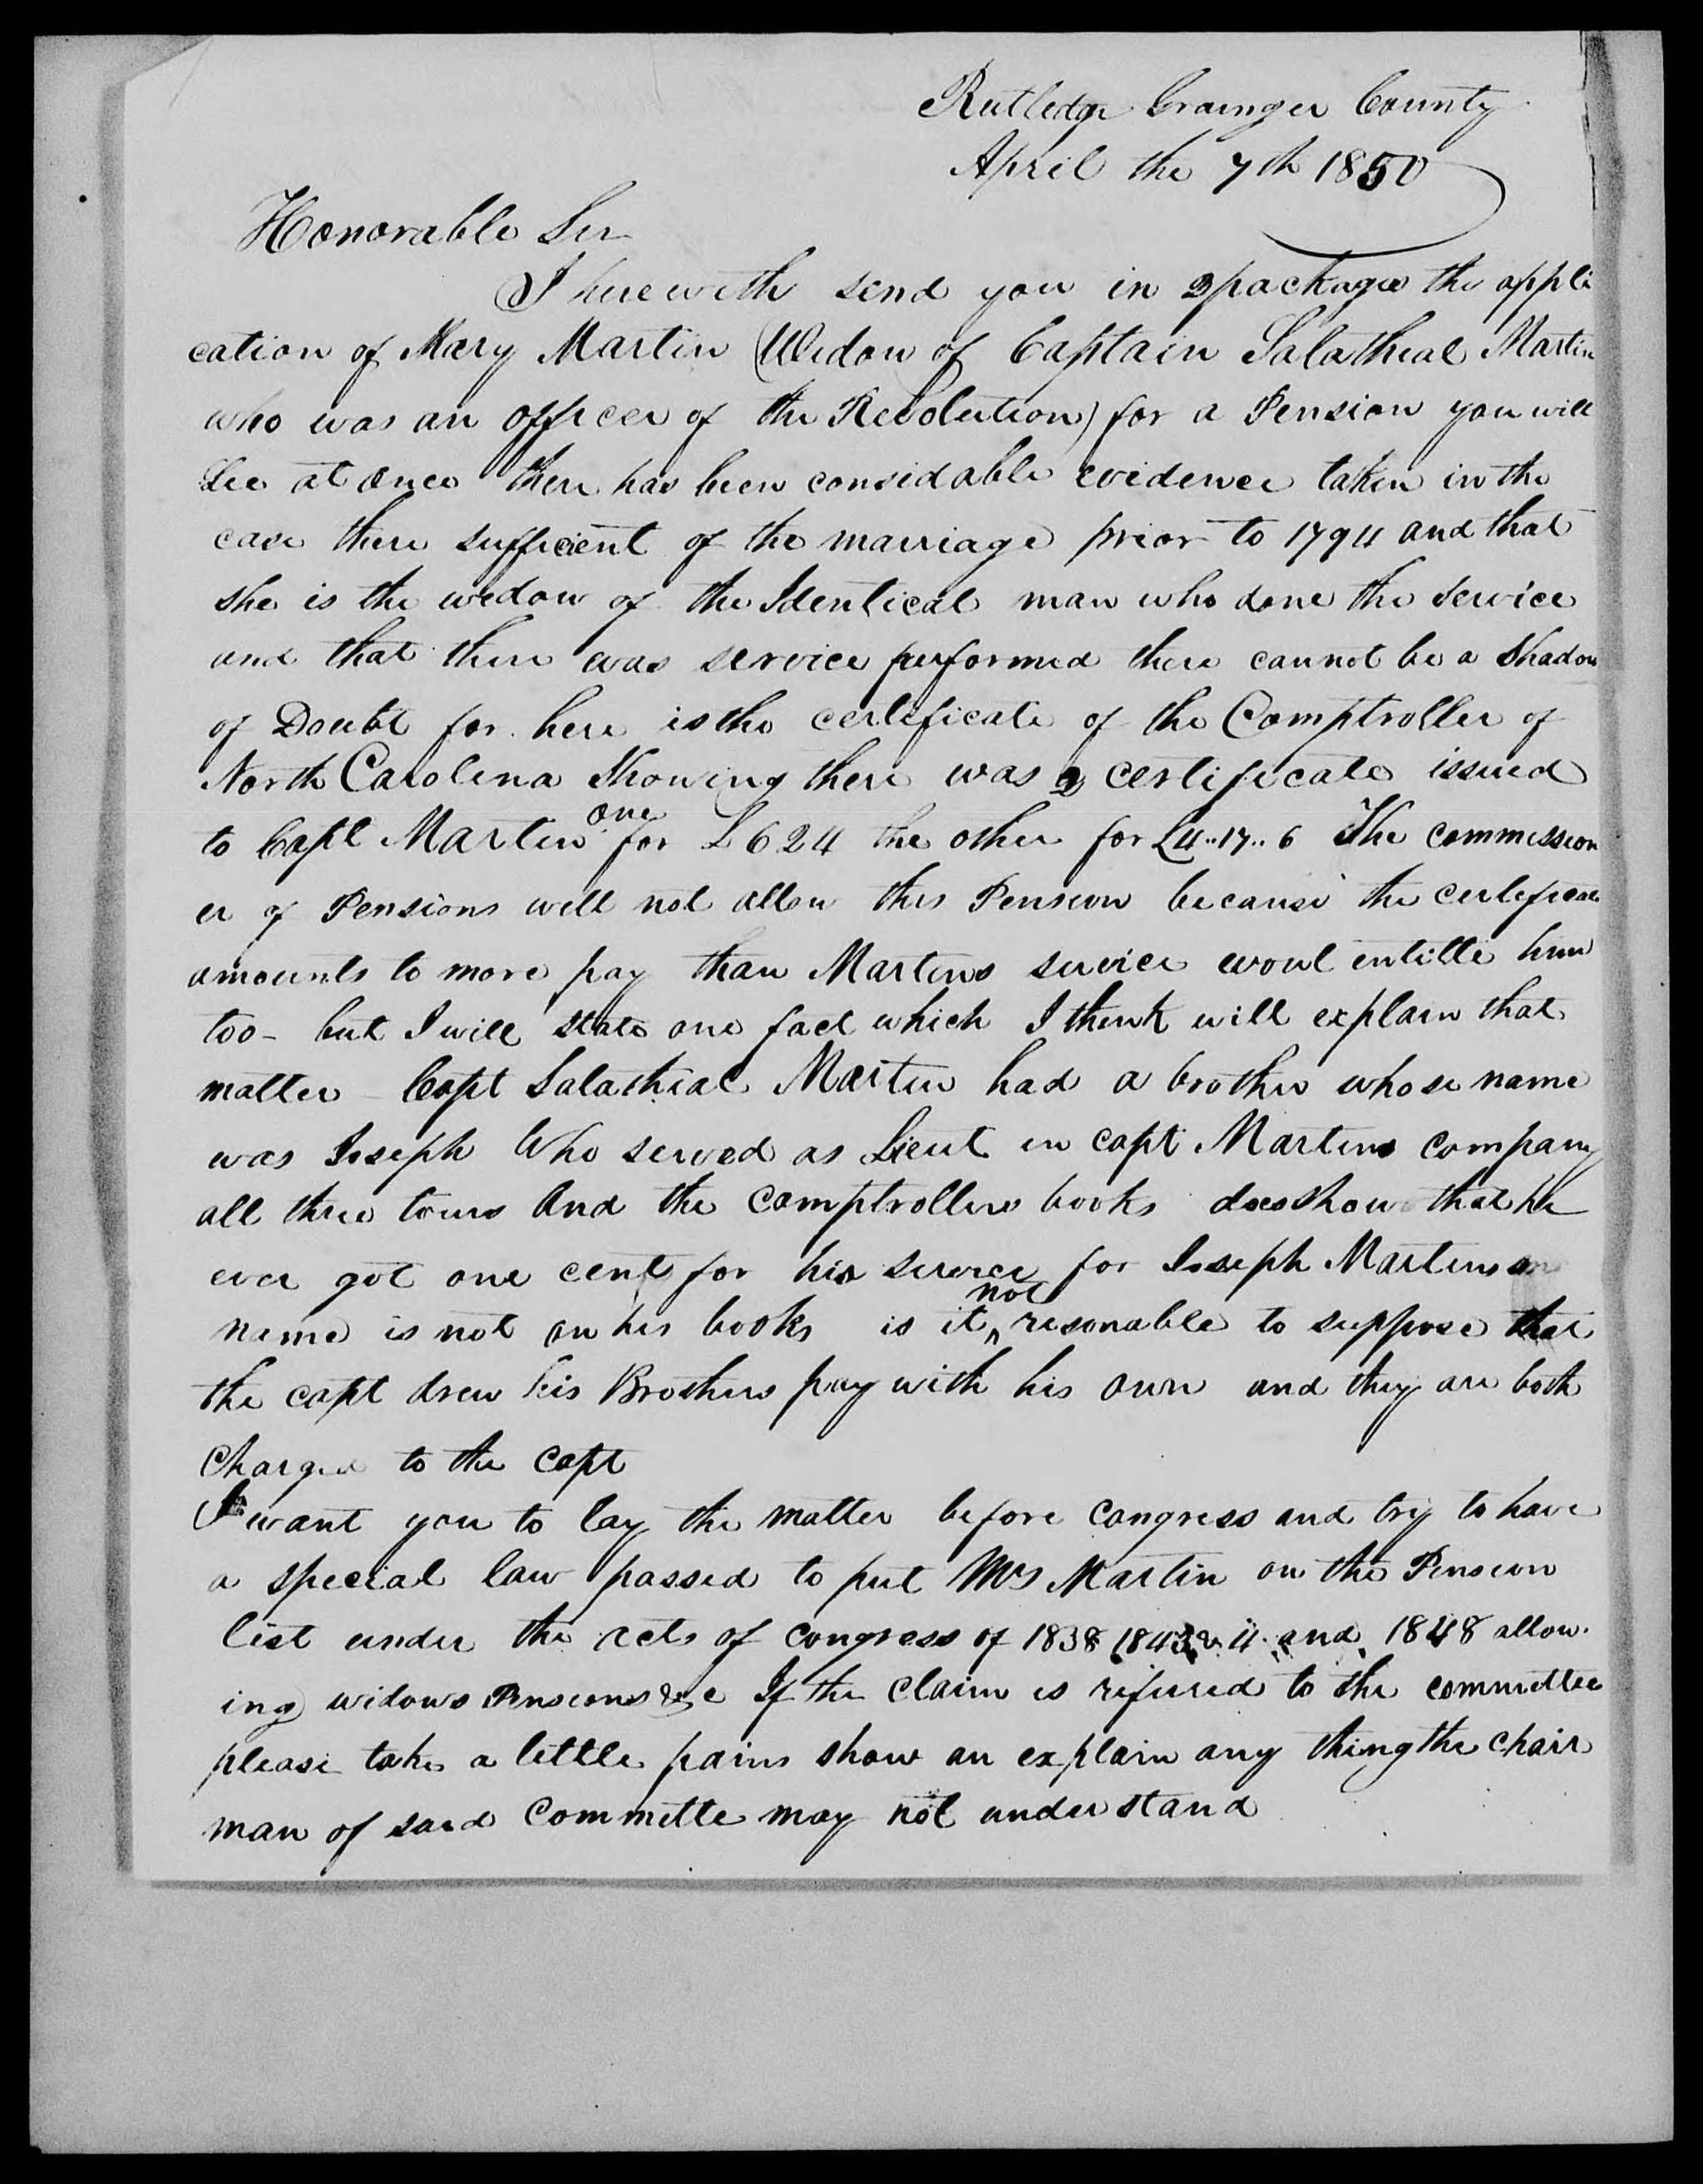Rutledge Grainger County
April the 7th 1850
Honorable Sir
I herewith send you in a package the appli
cation of Mary Martin (Widow of Captain Salathial Martin
who was an officer of the Revolution) for a Pension you will
see at once there has been considable [considerable] evidence taken in the
case there sufficient of the marriage prior to 1794 and that
she is the widow of the Identical man who done the Service
and that there was service performed there cannot be a Shadow
of Doubt for here is the certificate of the Comptroller of
North Carolina Showing there was a certificate issued
to Capt Martin one for $624 the other for L. 4.17.6  The commission
er of Pensions will not allow this Pension because the certificate
amounts to more pay than Martins service would entitle him
too_  but I will state one fact which I think will explain that
matter Capt Salathial Martin had a brother whose name
was Joseph Who served as Lieut in capt Martins company
all three tours And the Comptroller books does show that he
ever got one cent for his service, for Joseph Martin a
name is not on his books is it not resonable [reasonable] to suppose that
the capt drew his Brothers pay with his own and they are both
charged to the capt
I want you to lay the matter before Congress and try to have
a special law passed to put Mrs Martin on the Pension
list under the acts of Congress of 1838 1843 & 4 and 1848 allow
ing widows Pensions &c If the claim is referred to the committee
please take a little pains show an explain any thing the chair
man of said Committe may not understand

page: 48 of 120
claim: widow's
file: W. 1044, for Salathiel Martin, North Carolina